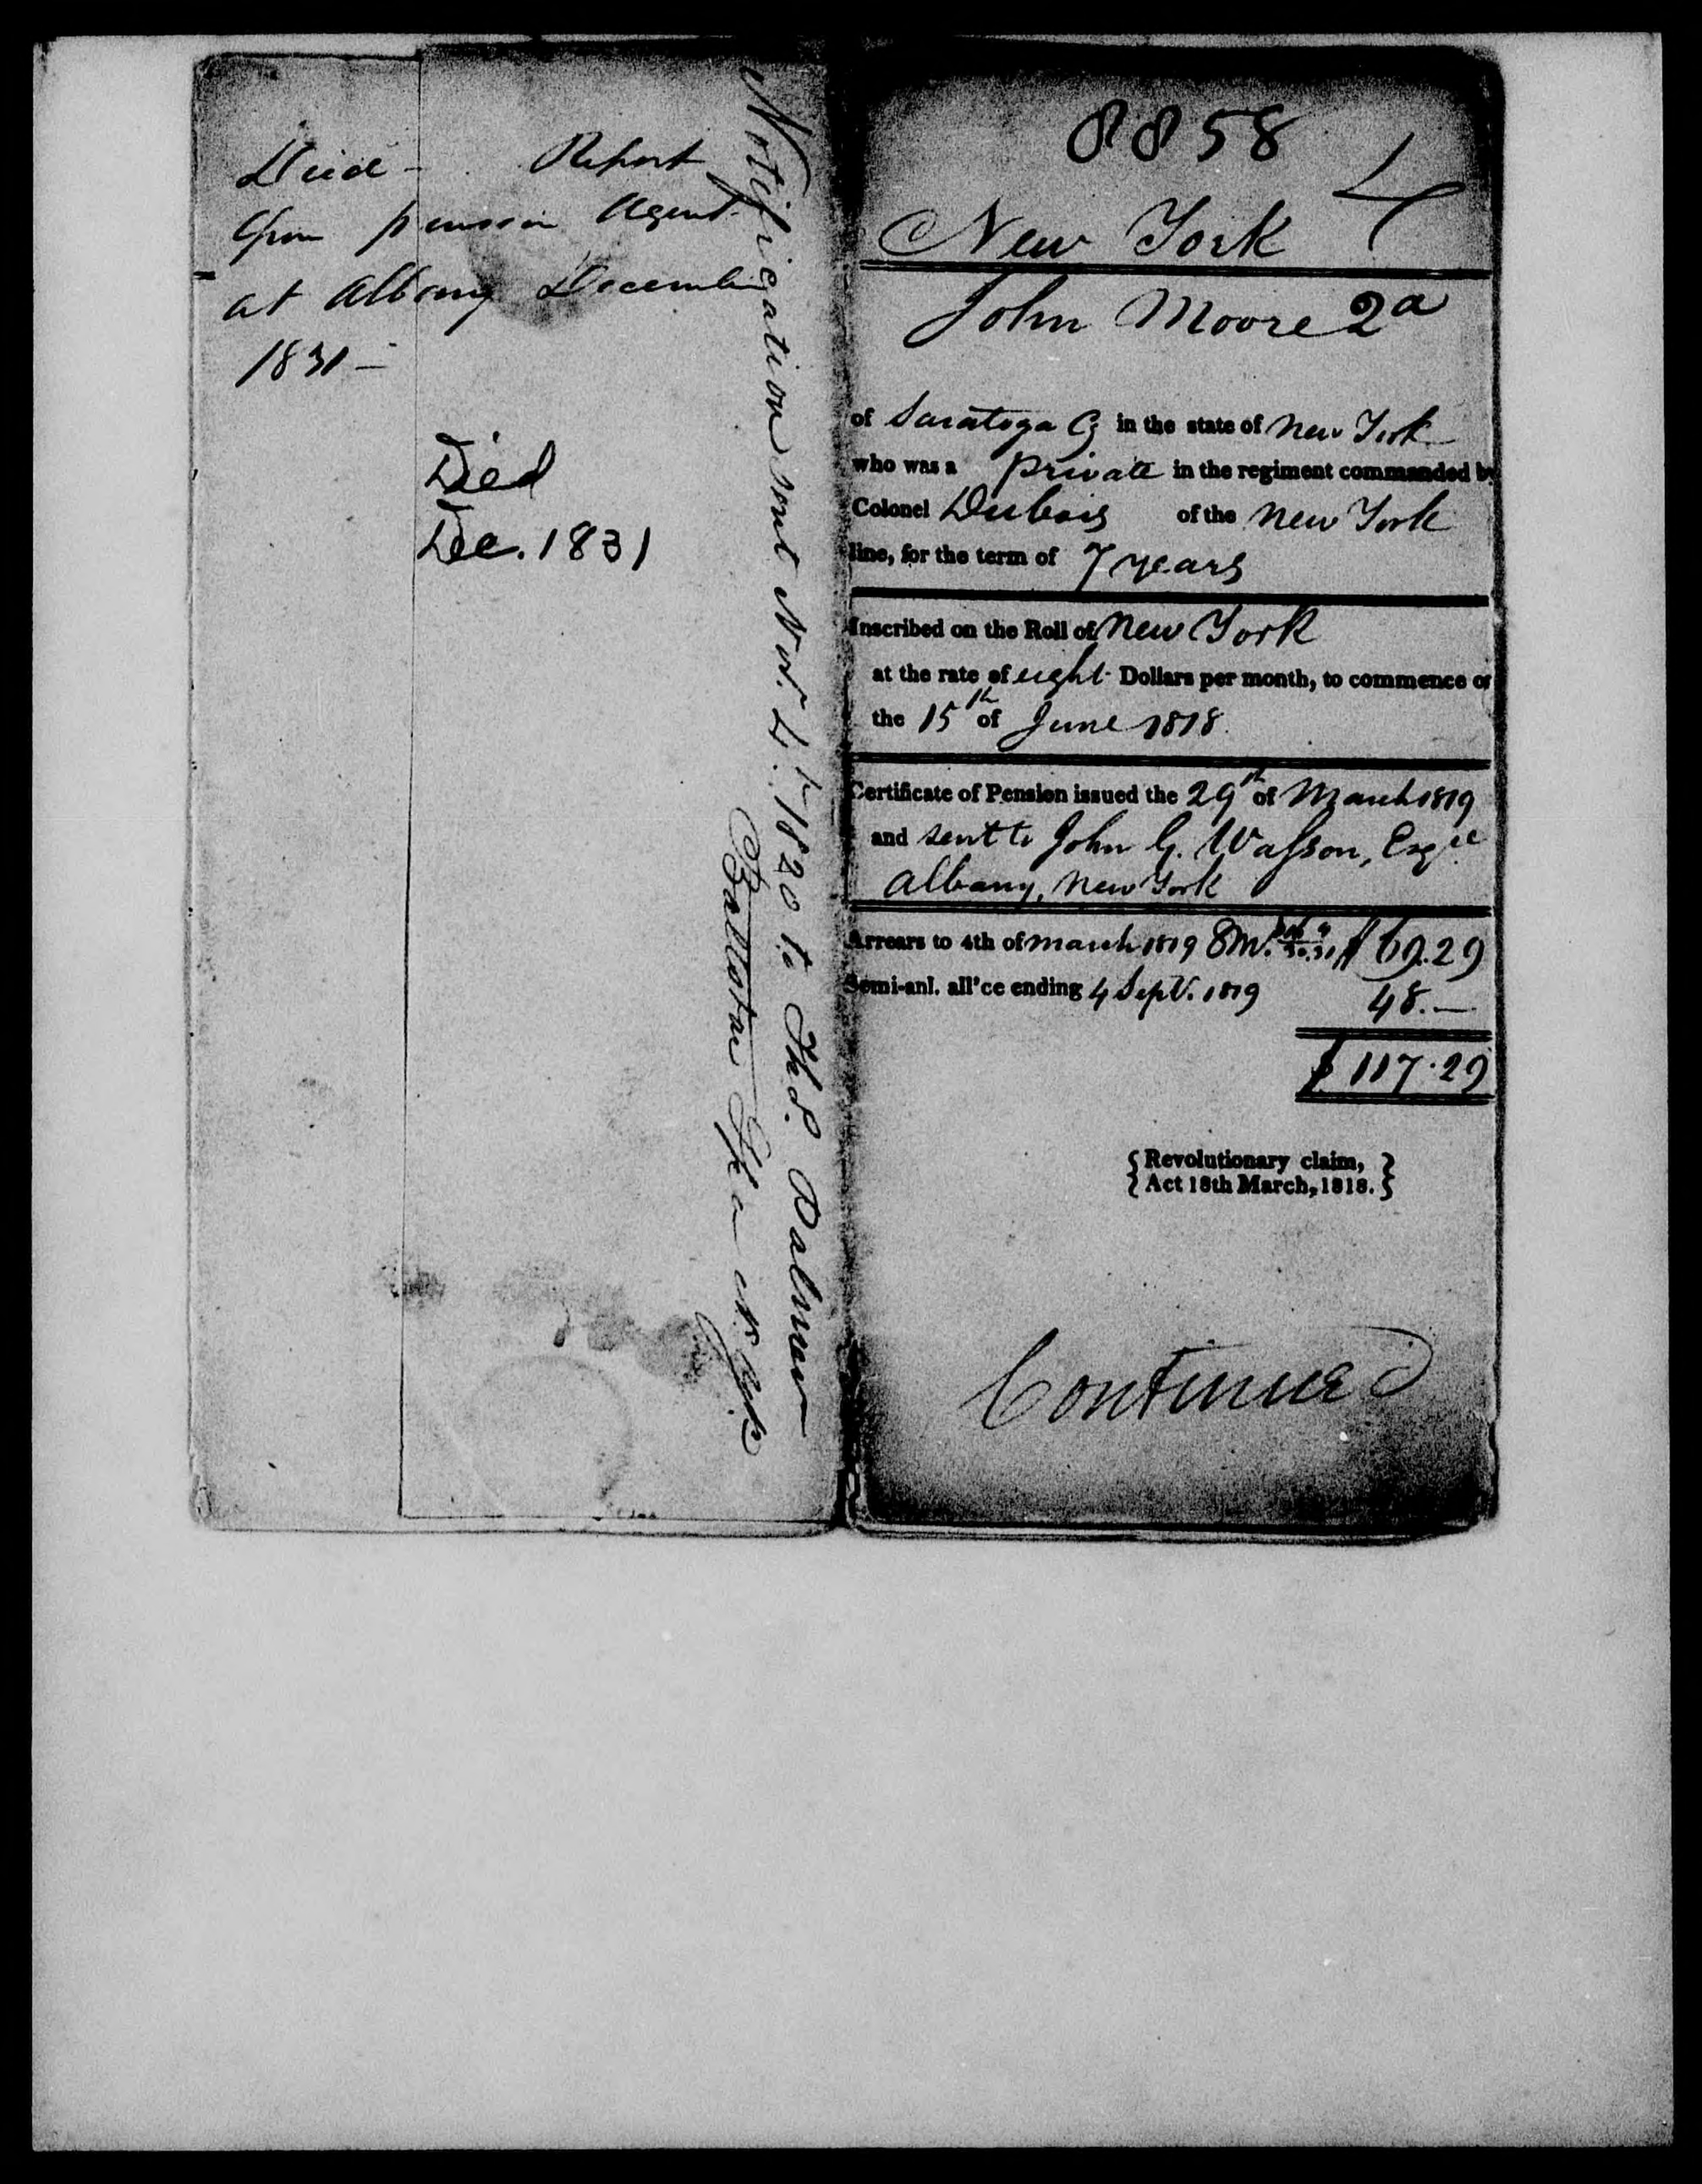[left side]
Died - Report from Pension Agent at Albany December 1831- 
Died Dec. 1831 

Notification sent Nov. 4th 1820 to Thos Palmer Ballston Spa N.Y.

[right side]
8858 
New York 
John Moore 2d of Saratoga Cy in the state of New York who was a private in the regiment commanded by Colonel Dubois of the New York line, for the term of 7 years 

Inscribed on the Roll of New York at the rate of eight Dollars per month, to commence on the 15th of June 1818 

Certificate of Pension issued the 29th of March 1819 and sent to John G. Wasson, Esqr Albany, New York 

Arrears to 4th of March 1819 8m. [illegible]/30.30 $ 69.29
Semi-anl, all'ce ending 4 Sept 1819  48.-
[totals] $117.29
{Revolutionary claim, Act 18th March, 1818.} 

Continued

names: [BLANK] Dubois; Thos Palmer; John G Wasson; John Moore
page: 2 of 15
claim: survivor's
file: S. 43029, for John Moore, New York